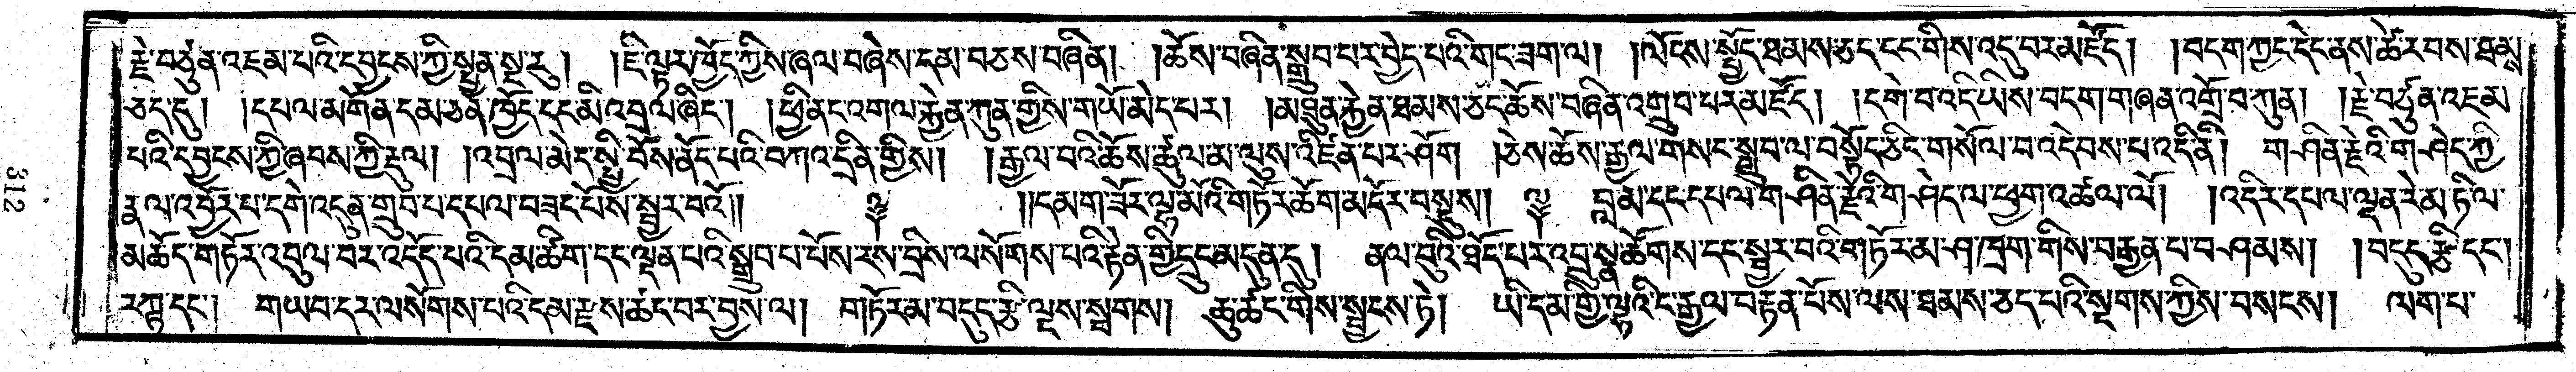རྗེ་བཙུན་འཇམ་པའི་དབྱངས་ཀྱི་སྤྱན་སྔ་རུ། །ཇི་ལྟར་ཁྱོད་ཀྱིས་ཞལ་བཞེས་དམ་བཅས་བཞིན། །ཆོས་བཞིན་སྒྲུབ་པར་བྱེད་པའི་གང་ཟག་ལ། །ལོངས་སྤྱོད་ཐམས་ཅད་ངང་གིས་འདུ་བར་མཛོད། །བདག་ཀྱང་དེང་ནས་ཚེ་རབས་ཐམས་
ཅད་དུ། །དཔལ་མགོན་དམ་ཅན་ཁྱོད་དང་མི་འབྲལ་ཞིང་། །ཕྱི་ནང་འགལ་རྐྱེན་ཀུན་གྱིས་གཡོ་མེད་པར། །མཐུན་རྐྱེན་ཐམས་ཅད་ཆོས་བཞིན་འགྲུབ་པར་མཛོད། །དགེ་བ་འདི་ཡིས་བདག་གཞན་འགྲོ་བ་ཀུན། །རྗེ་བཙུན་འཇམ་
པའི་དབྱངས་ཀྱི་ཞབས་ཀྱི་རྡུལ། །འབྲལ་མེད་སྤྱི་བོས་ནོད་པའི་བཀའ་དྲིན་གྱིས། །རྒྱལ་བའི་ཆོས་ཚུལ་མ་ལུས་འཛིན་པར་ཤོག །ཅེས་ཆོས་རྒྱལ་གསང་སྒྲུབ་ལ་བསྟོད་ཅིང་གསོལ་བ་འདེབས་པ་འདི་ནི། གཤིན་རྗེའི་གཤེད་ཀྱི་
རྣལ་འབྱོར་པ་དགེ་འདུན་གྲུབ་པ་དཔལ་བཟང་པོས་སྦྱར་བའོ།། ༈ །།དམག་ཟོར་ལྷ་མོའི་གཏོར་ཆོག་མདོར་བསྡུས། ༈ བླ་མ་དང་དཔལ་གཤིན་རྗེའི་གཤེད་ལ་ཕྱག་འཚལ་ལོ། །འདིར་དཔལ་ལྡན་རེ་མ་ཏི་ལ་
མཆོད་གཏོར་འབུལ་བར་འདོད་པའི་དམ་ཚིག་དང་ལྡན་པའི་སྒྲུབ་པ་པོས་རས་བྲིས་ལ་སོགས་པའི་རྟེན་གྱི་དྲུང་མདུན་དུ། ནལ་བུའི་ཐོད་པར་འབྲུ་སྣ་ཚོགས་དང་སྦྱར་བའི་གཏོར་མ་ཤ་ཁྲག་གིས་བརྒྱན་པ་བཤམས། །བདུད་རྩི་དང་།
རྐྟ་དང་། གཡབ་དར་ལ་སོགས་པའི་དམ་རྫས་ཚང་བར་བྱས་ལ། གཏོར་མ་བདུད་རྩི་ལྔས་སྦགས། ཆུ་ཚང་གིས་སྦྱངས་ཏེ། ཡི་དམ་གྱི་ལྷའི་ང་རྒྱལ་བརྟན་པོས་ལས་ཐམས་ཅད་པའི་སྔགས་ཀྱིས་བསངས། ལག་པ་